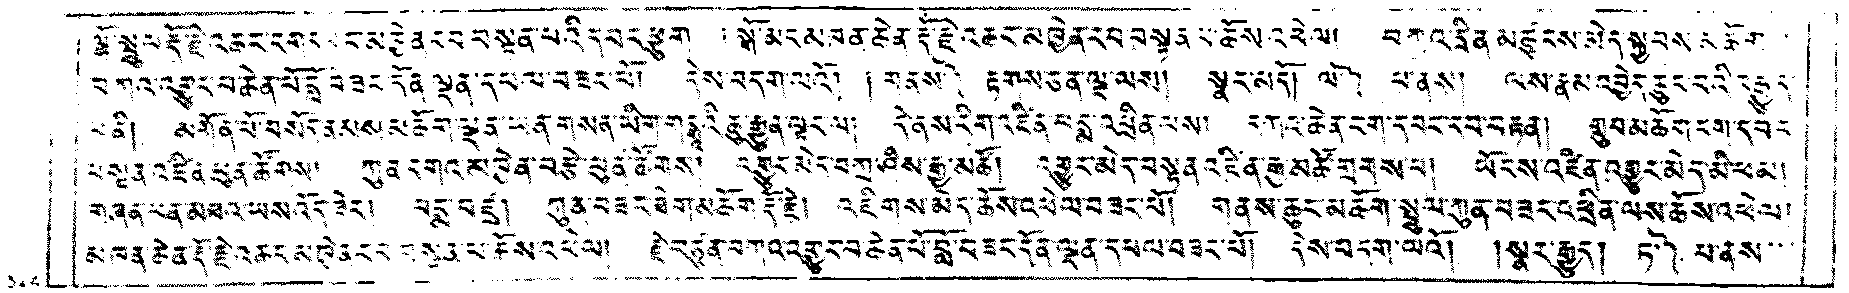ལྷོ་སྤྲུལ་རྡོ་རྗེ་འཆང་ངག་དབང་མཁྱེན་རབ་བསྟན་པའི་དབང་ཕྱུག །སྒོ་མང་མཁན་ཆེན་རྡོ་རྗེ་འཆང་མཁྱེན་རབ་བསྟན་པ་ཆོས་འཕེལ། བཀའ་དྲིན་མཚུངས་མེད་སྐྱབས་མཆོག་
བཀའ་འགྱུར་བ་ཆེན་པོ་བློ་བཟང་དོན་ལྡན་དཔལ་བཟང་པོ། དེས་བདག་ལའོ། །གནས྄་རྟགས་ཅན་ལྔ་ལས། སྣར་མདོ། ལ྄་པ་ནས། ལས་རྣམ་འབྱེད་ཆུང་བའི་བརྒྱུད་
པ་ནི། མགོན་པོ་བསོད་ནམས་མཆོག་ལྡན་ཡན་གསན་ཡིག་གངྒཱའི་ཆུ་རྒྱུན་ལྟར་ལ། དེ་ནས་རིག་འཛིན་པདམ་འཕྲིན་ལས། དཀའ་ཆེན་ངག་དབང་རབ་བརྟན། གྲུབ་མཆོག་ངག་དབང་
བསྟན་འཛིན་ཕུན་ཚོགས། ཀུན་དགའ་མཁྱེན་བརྩེ་ཕུན་ཚོགས། འགྱུར་མེད་བཀྲ་ཤིས་རྒྱ་མཚོ། འགྱུར་མེད་བསྟན་འཛིན་རྒྱ་མཚོ་གྲགས་པ། ཡོངས་འཛིན་འགྱུར་མེད་མི་ཕམ།
གཞན་ཕན་མཐའ་ཡས་འོད་ཟེར། པདམ་བཛྲ། ཀུན་བཟང་ཐེག་མཆོག་རྡོ་རྗེ། འཇིགས་མེད་ཆོས་འཕེལ་བཟང་པོ། གནས་ཆུང་མཆོག་སྤྲུལ་ཀུན་བཟང་འཕྲིན་ལས་ཆོས་འཕེལ།
མཁན་ཆེན་རྡོ་རྗེ་འཆང་མཁྱེན་རབ་བསྟན་པ་ཆོས་འཕེལ། རྗེ་བཙུན་བཀའ་འགྱུར་བ་ཆེན་པོ་བློ་བཟང་དོན་ལྡན་དཔལ་བཟང་པོ། དེས་བདག་ལའོ། །སྣང་རྒྱུད། ཏ྄་པ་ནས་